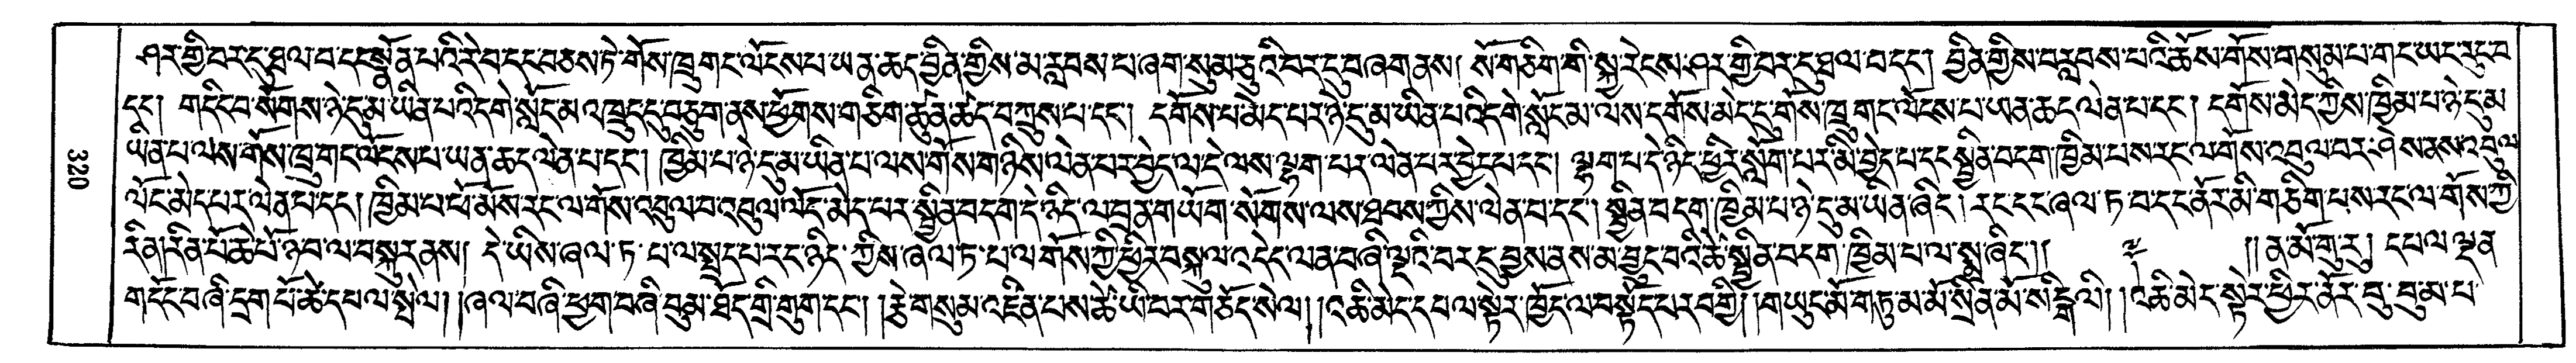ཤར་གྱི་བར་དུ་ཐལ་བ་དང་སྣོན་པའི་རེ་བ་དང་བཅས་ཏེ་གོས་ཁྲུ་གང་ལོངས་པ་ཡན་ཆད་བྱིན་གྱིས་མ་རླབས་པ་ཞག་སུམ་ཅུའི་བར་དུ་བཞག་ནས། སོ་གཅིག་གི་སྐྱ་རེངས་ཤར་གྱི་བར་དུ་ཐལ་བ་དང་། བྱིན་གྱིས་བརླབས་པའི་ཆོས་གོས་གསུམ་པ་གང་ཡང་རུང་བ་
དང༑ གདིང་བ་སོགས་ཉེ་དུ་མ་ཡིན་པའི་དགེ་སློང་མ་འཁྲུང་དུ་བཅུག་ནས་ཕྱོགས་གཅིག་ཚུན་ཆད་བསྐྲུས་པ་དང་། དགོས་པ་མེད་པར་ཉེ་དུ་མ་ཡིན་པའི་དགེ་སློང་མ་ལས་དགོས་མེད་དུ་གོས་ཁྲུ་གང་ལོངས་བ་ཡན་ཆང་ལེན་པ་དང་། དགོས་མེད་ཀྱིས་ཁྱིམ་པ་ཉེ་དུ་མ་
ཡིན་པ་ལས་གོས་ཁྲུ་གང་ལོངས་པ་ཡན་ཆད་ལེན་པ་དང་། ཁྱིམ་པ་ཉེ་དུ་མ་ཡིན་པ་ལས་གོས་གཉིས་ལེན་པར་བྱེད་ལ་དེ་ལས་ལྷག་པར་ལེན་པར་བྱེད་པ་དང་། ལྷག་པ་དེ་ཉིད་ཕྱིར་སློག་པར་མི་བྱེད་པ་དང་སྦྱིན་བདག་ཁྱིམ་པས་རང་ལ་གོས་འབུལ་བར་ཤེས་ནས་འབུལ་
ལོང་མེད་པར་ལེན་པ་དང་། ཁྱིམ་པ་ཕོ་མོས་རང་གོས་འབུལ་བ་འབུལ་ལོང་མེད་པར་སྦྱིན་བདག་དེ་ཉིད་ལ་བྲན་གཡོག་སོགས་ལས་ཐབས་ཀྱི་ས་ལེན་པ་དང་། སྦྱིན་བདག་ཁྱིམ་པ་ཉེ་དུ་མ་ཡིན་ཞིང་། རང་དང་ཞལ་ཏ་པ་དང་ནོར་མི་གཅིག་པས་རང་ལ་གོས་ཀྱི་
རིན༑ རིན་པོ་ཆེ་ཕོ་ཉ་བ་ལ་བསྐུར་ནས། དེ་ཡིས་ཞལ་ཏ་པ་ལ་སྤྲང་པ་རང་ཉིད་ཀྱིས་ཞལ་ཏ་པ་ལ་གོས་ཀྱི་ཕྱིར་བསྐུལ་འདེད་ལན་བཞི་ལྔའི་བར་དུ་བྱས་ནས་མ་བྱུང་བའི་ཚེ་སྦྱིན་བདག་ཁྱིམ་པ་ལ་སྨྲ་ཞིང།། ༈ །།ན་མོ་གུ་རུ། དཔལ་ལྡན་
གདོང་བཞི་དྲག་པོ་ཚེ་དཔལ་སྤེལ། །ཞལ་བཞི་ཕྱག་བཞི་བུམ་ཐོད་གྲི་གུག་དང་། །རྩེ་གསུམ་འཛིན་པས་ཚེ་ཡི་བར་གཅོད་སེལ། །འཆི་མེད་དཔལ་སྟེར་ཁྱོད་ལ་བསྟོད་པར་བགྱི། །གཡུར་མོ་གཏུམ་མོ་སྲིན་མོ་སིངྒི་ལི། །འཆི་མེད་སྟེར་ཕྱིར་ནོར་བུ་བུམ་པ་